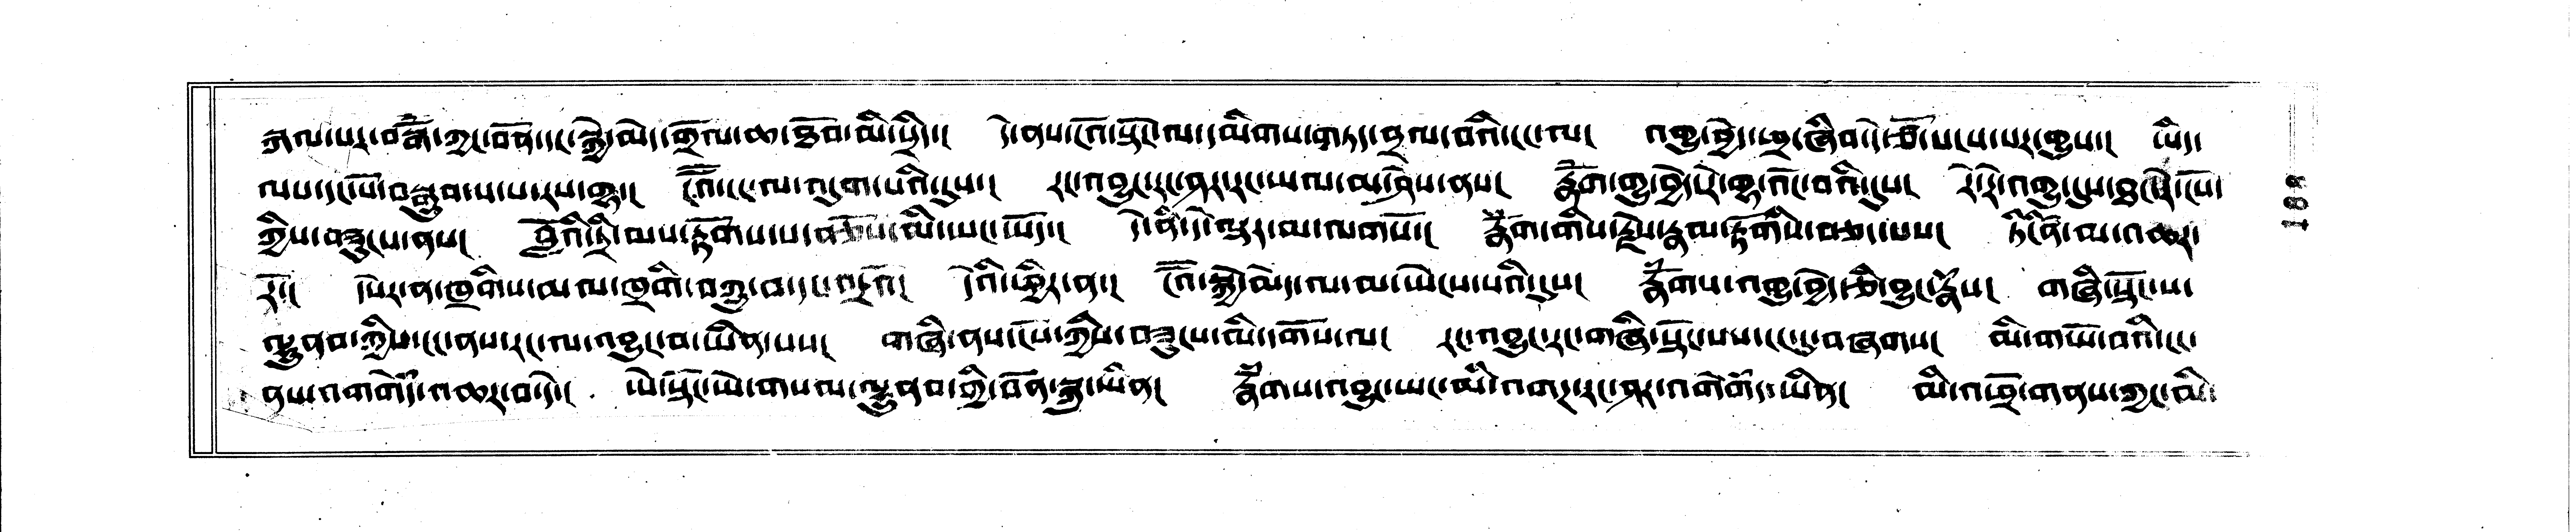བསྐལ་པར་སྒོམ་ཀྱང་བོག་དང་སྐྱེད་མེད་གྲོལ་ཆ་ཐོབ་མི་སྲིད། དེ་ནས་ངོའོ་སྟོང་ལ་དམིགས་གཏད་བྲལ་བའི་ངང་ལ་འགྱུ་བྱེད་འཕྲ་ཞིབ་པ་དེ་ཚོ་སང་པར་གྱིས། ཡང་
ལས་དང་པོའི་སྒྲུབ་པ་པོ་རེས་གྷ(འགས)། ངོའོ་ངང་ལ་འདུག་པའི་དུས་རང་འབྱུང་རང་ཤར་རང་ཡལ་མི་ཤེས་ནས། རྣམ་རྟོག་འགྱུ་བྱེད་རེས་གྷ(འགའ་)འོང་བའི་དུས། རེས་རེས་འགྱུ་དུས་ཐང་རེ་ངོས་
ཀྱིས་བཟུངས་ནས། བློའི་དྲི་མས་རྟོག་པ་བཅོས་མི་ཡང་ཡོད། དེ་ནི་འདི་ལྟར་མ་ལགས་སོ། རྣམ་རྟོག་གི་རྗེས་རྣམ་རྟོག་གིས་བཅད་པས་ཏིང་འཛིན་མི་འཆར་
རོ། དཔེར་ན་ཁྲག་མལ་ཁྲག་གི་བཀྲུས་པ་དང་འདྲའོ། དེའི་ཕྱིར་ན་ངོའོ་སྐྱེ་མེད་དེ་མི་ཡིང་”མ་ཡེངས་”པའི་དུས། རྣམ་རྟོག་འགྱུ་བྱེད་ཅི་བྱུང་ཡང་། གཞི་སྟོང་པ་
ལྷུན་གྲུབ་ཀྱིས་ངང་ནས་རང་ལ་འབྱུང་པ་ཡིན་པས། གཞི་ནས་ངོས་ཀྱིས་བཟུང་མི་དགོས་ལ། རང་འབྱུང་རང་ཞི་སྟོང་པའི་ངང་དུ་བཞག མི་གཡོ་བའི་ངང་
ནས་འགག་མེད་འཆར་བ་དེ། ཡེ་སྟོང་ཡེ་གསལ་ལྷུན་གྲུབ་གྱིས་བོན་སྐུ་ཡིན། རྣམ་རྟོག་བྱུང་པ་མི་བཀག་རང་ཤར་འགག་མེད་ཡིན། མ་འཕྲོས་གནས་ཀྱང་མི་